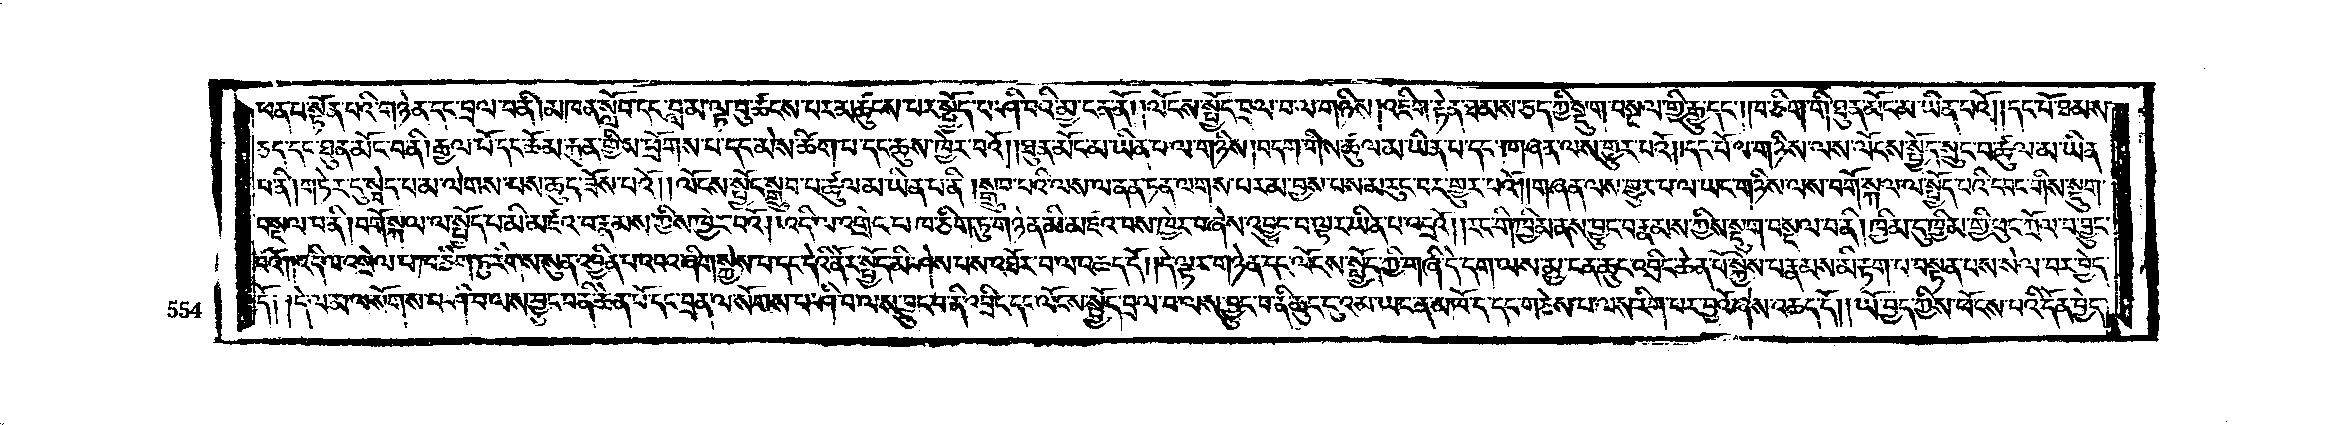ཕན་པ་སྟོན་པའི་གཉེན་དང་བྲལ་བ་ནི། མཁན་སློབ་དང་བླ་མ་ལྟ་བུ་ཚངས་པར་མཚུངས་པར་སྤྱོད་པ་ཤི་བའི་མྱ་ངན་ནོ། །ལོངས་སྤྱོད་བྲལ་བ་ལ་གཉིས། འཇིག་རྟེན་ཐམས་ཅད་ཀྱི་སྡུག་བསྔལ་གྱི་རྒྱུ་དང་། ཁ་ཅིག་གི་ཐུན་མོང་མ་ཡིན་པའོ། །དང་པོ་ཐམས་
ཅད་དང་ཐུན་མོང་བ་ནི། རྒྱལ་པོ་དང་ཆོམ་རྐུན་གྱིས་ཕྲོགས་པ་དང་མེས་ཚིག་པ་དང་ཆུས་ཁྱེར་བའོ། །ཐུན་མོང་མ་ཡིན་པ་ལ་གཉིས། བདག་གིས་ཚུལ་མ་ཡིན་པ་དང་། གཞན་ལས་གྱུར་པའོ། །དང་པོ་ལ་གཉིས་ལས་ལོངས་སྤྱོད་སྲུང་བ་ཚུལ་མ་ཡིན་
པ་ནི། གཏེར་དུ་སྦེད་པ་མ་ལེགས་པས་ཆུད་ཟོས་པའོ། །ལོངས་སྤྱོད་སྒྲུབ་པ་ཚུལ་མ་ཡིན་པ་ནི། སྒྲུབ་པའི་ལས་ལ་ནན་ཏན་ལགས་པར་མ་བྱས་པས་མ་རུང་བར་གྱུར་པའོ། །གཞན་ལས་གྱུར་པ་ལ་ཡང་གཉིས་ལས་བགོ་སྐལ་ལ་སྤྱོད་པའི་དབང་གིས་སྡུག་
བསྔལ་བ་ནི། བགོ་སྐལ་ལ་སྤྱོད་པ་མི་མཛའ་བ་རྣམས་ཀྱིས་ཁྱེར་བའོ། །འདི་ལ་འགྲེང་པ་ཁ་ཅིག་ཏུ་གཉེན་མི་མཛའ་བས་ཁྱེར་བ་ཞེས་འབྱུང་བ་ལྟར་ཡིན་པ་འདྲའོ། །རང་གི་ཁྱིམ་ནས་བྱུང་བ་རྣམས་ཀྱིས་སྡུག་བསྔལ་བ་ནི། ཁྱིམ་དུ་ཁྱིམ་གྱི་ཕུང་ཀྲོལ་བ་བྱུང་
བའོ། །འདི་ལ་འགྲེལ་པ་ཁ་ཅིག་ཏུ་རིགས་སུན་འབྱིན་པ་འབའ་ཞིག་སྐྱེས་པ་དང་དེའི་ནོར་སྤྱོད་མི་ཤེས་པས་འཐོར་བ་ལ་འཆད་དོ། །དེ་ལྟར་གཉེན་དང་ལོངས་སྤྱོད་ཀྱི་གཞི་དེ་དག་ལས་མྱ་ངན་ཆུང་འབྲིང་ཆེན་པོ་སྐྱེས་པ་རྣམས་མི་རྟག་པ་བསྟན་པས་སེལ་བར་བྱེད་
དོ༑ ༑དེ་ལམ་ལ་སོགས་པ་ཤི་བ་ལས་བྱུང་བ་ནི་ཆེན་པོ་དང་བྲན་ལ་སོགས་པ་ཤི་བ་ལས་བྱུང་བ་ནི་འབྲིང་དང་ལོངས་སྤྱོད་བྲལ་བ་ལས་བྱུང་བ་ནི་ཆུང་ངུ་འམ་ཡང་ན་མཁོ་ད་དང་གཅེས་པ་ལས་རིག་པར་བྱའོ་ཞེས་འཆད་དོ། །ཡོ་བྱད་ཀྱིས་ཕོངས་པའི་དོན་བྱེད་